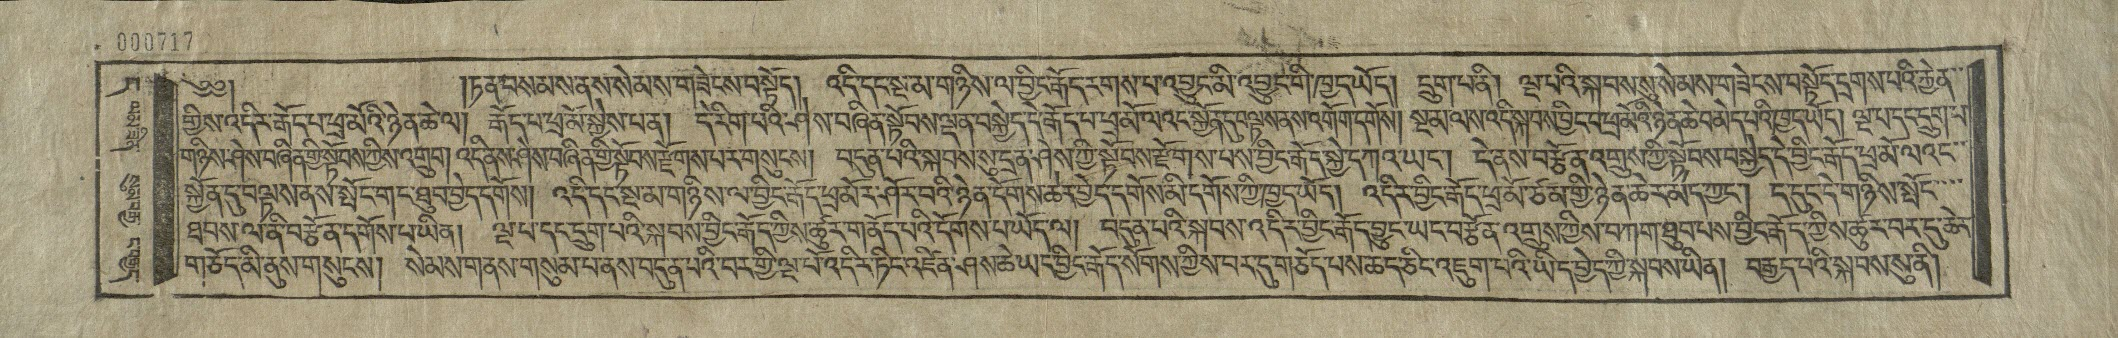༄༅། །ཏན་བསམས་ནས་སེམས་གཟེངས་བསྟོད། འདི་དང་སྔ་མ་གཉིས་ལ་བྱིང་རྒོད་རགས་པ་འབྱུང་མི་འབྱུང་གི་ཁྱད་ཡོད། དྲུག་པ་ནི། ལྔ་པའི་སྐབས་སུ་སེམས་གཟེངས་བསྟོད་དྲགས་པའི་རྐྱེན་
གྱིས་འདིར་རྒོད་པ་ཕྲ་མོའི་ཉེན་ཆེ་ལ། རྒོད་པ་ཕྲ་མོ་སྐྱེས་པ་ན། དེ་རིག་པའི་ཤེས་བཞིན་སྟོབས་ལྡན་བསྐྱེད་དེ་རྒོད་པ་ཕྲ་མོ་ལའང་སྐྱོན་དུ་བལྟས་ནས་འགོག་དགོས། སྔ་མ་ལས་འདི་སྐབས་བྱིང་བ་ཕྲ་མོའི་ཉེན་ཆེ་བ་མེད་པའི་ཁྱད་ཡོད། ལྔ་པ་དང་དྲུག་པ་
གཉིས་ཤེས་བཞིན་གྱི་སྟོབས་ཀྱིས་འགྲུབ། འདི་ནས་ཤེས་བཞིན་གྱི་སྟོབས་རྫོགས་པར་གསུངས། བདུན་པའི་སྐབས་སུ་དྲན་ཤེས་ཀྱི་སྟོབས་རྫོགས་པས་བྱིང་རྒོད་སྐྱེ་དཀའ་ཡང་། དེ་ནས་བརྩོན་འགྲུས་ཀྱི་སྟོབས་བསྐྱེད་དེ་བྱིང་རྒོད་ཕྲ་མོ་ལའང་
སྐྱོན་དུ་བལྟས་ནས་སྤོང་གང་ཐུབ་བྱེད་དགོས། འདི་དང་སྔ་མ་གཉིས་ལ་བྱིང་རྒོད་ཕྲ་མོར་ཤོར་བའི་ཉེན་དོགས་ཆེར་བྱེད་དགོས་མི་དགོས་ཀྱི་ཁྱད་ཡོད། འདིར་བྱིང་རྒོད་ཕྲ་མོ་ཙམ་གྱི་ཉེན་ཆེར་མེད་ཀྱང་། ད་དུང་དེ་གཉིས་སྤོང་
ཐབས་ལ་ནི་བརྩོན་དགོས་པ་ཡིན། ལྔ་པ་དང་དྲུག་པའི་སྐབས་བྱིང་རྒོད་ཀྱིས་ཚུར་གནོད་པའི་དོགས་པ་ཡོད་ལ། བདུན་པའི་སྐབས་འདིར་བྱིང་རྒོད་བྱུང་ཡང་བརྩོན་འགྲུས་ཀྱིས་བཀག་ཐུབ་པས་བྱིང་རྒོད་ཀྱིས་ཚུར་བར་དུ་ཆེར་
གཅོད་མི་ནུས་གསུངས། སེམས་གནས་གསུམ་པ་ནས་བདུན་པའི་བར་གྱི་ལྔ་པོ་འདིར་ཏིང་འཛིན་ཤས་ཆེ་ཡང་བྱིང་རྒོད་སོགས་ཀྱིས་བར་དུ་གཅོད་པས་ཆད་ཅིང་འཇུག་པའི་ཡིད་བྱེད་ཀྱི་སྐབས་ཡིན། བརྒྱད་པའི་སྐབས་སུ་ནི།